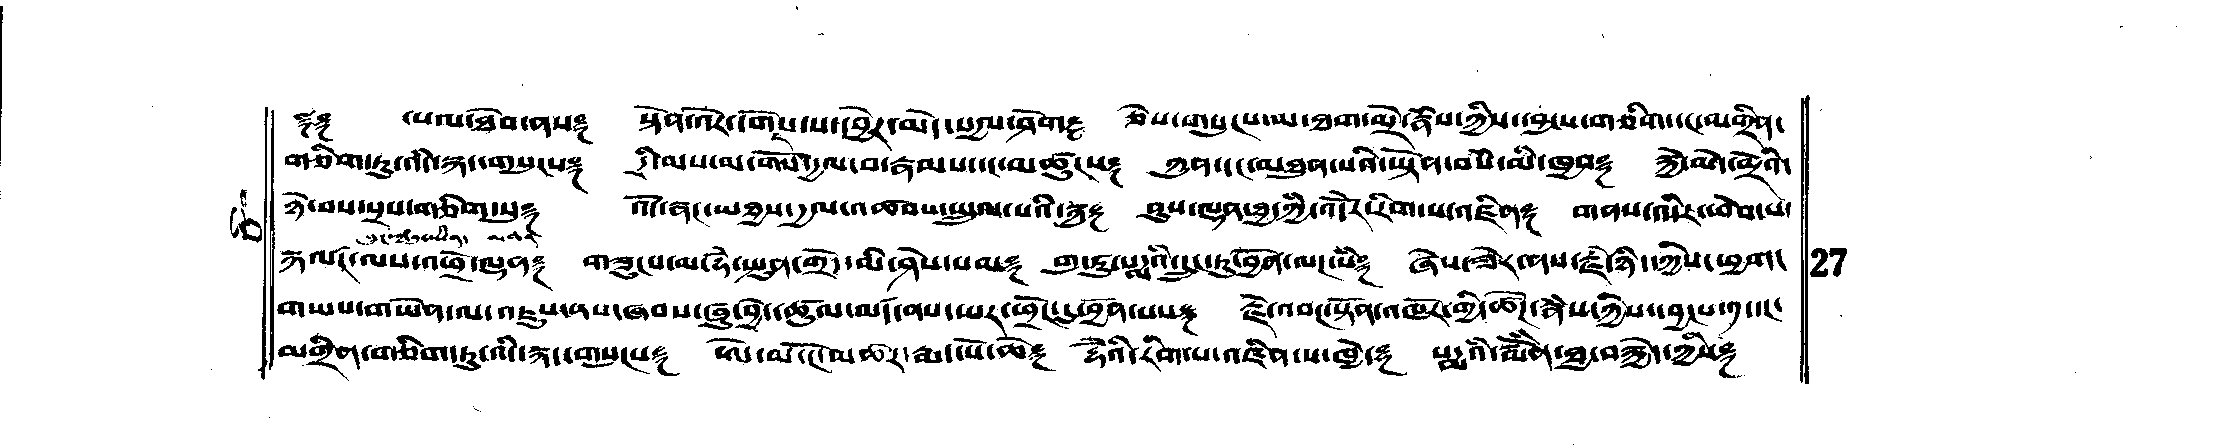དཔལ་ཐོབ་ནས། །སྟོན་འཁོར་དགོངས་པ་དབྱེ་མེད་སངས་རྒྱས་ཤོག །ཅེས་གསུངས་མ་ཐག་མཁའ་འགྲོ་རྣམས་ཀྱིས་དབྱངས་གཅིག་དང་མགྲིན་
གཅིག་ཏུ་འདི་སྐད་གསུངས། དྲི་མས་མ་གོས་རྒྱལ་བ་རྣམས་དང་མཚུངས། །ཀུན་དང་མཐུན་པའི་ཡོན་ཏན་བསམ་མི་ཁྱབ། །སྐྱེ་མེད་མཁའ་འགྲོའི་
ཉེ་བའི་སྲས་གཅིག་པུ། ཐུགས་ཀྱི་བུ་ཡིན། མཆན། །འོད་སྣང་མཐའ་ཡས་རྒྱལ་ཚབས་སྤྲུལ་པའི་སྐུ། །ནུས་ལྡན་ཐུགས་ཀྱི་འོད་ཟེར་རིག་པ་འཛིན། །གནས་འདིར་ཕེབས་པ་
སྐལ་བཟང་ལས་འཕྲོ་ལྡན། །གཟུངས་མ་རྡོ་རྗེ་སྤུན་གྲོགས་མི་ཤེས་སམ། །གུ་རུ་པདྨའི་དྲུང་དུ་བྱོན་ལགས་སམ། །ཞེས་ཟེར་ནས་རྗེ་ཉིད་ཀྱིས་ཕྱག་
གཡས་གཡོན་ལ་འཇུས་ནས་ཞབས་ཞུ་བྱེད་ཚུལ་མཛད་ནས་ཡར་ཕོ་བྲང་དུ་བྱོན་པས། རྗེ་འབངས་སྟོན་འཁོར་གྱི་ཚོགས་རྣམས་ཀྱིས་དབྱངས་གཅིག་དང་
མགྲིན་གཅིག་ཏུ་འདི་སྐད་གསུངས། ཨེ་མ་ངོ་མཚར་རྨད་པོ་ཆེ། །རྡོ་རྗེའི་རིག་པ་འཛིན་པ་ཁྱེད། །པདྨའི་སྨོན་ལམ་མཐུ་བསྐྱེད་ཀྱིས།